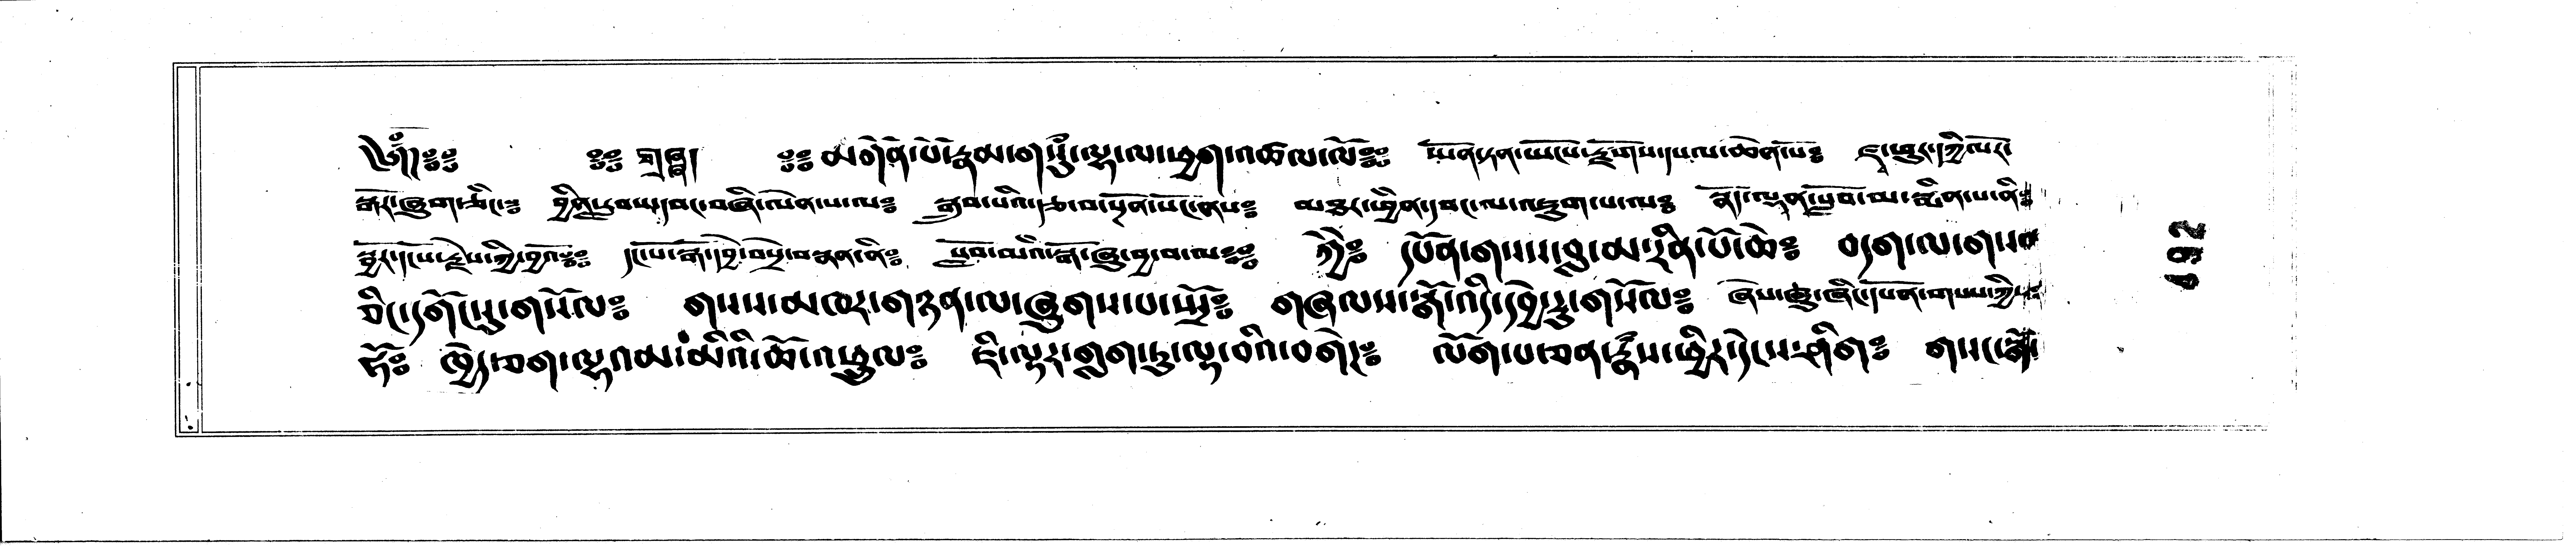༔༔ ༔༔༼གཏེར་ཡིག་ཡོད་༽༔༔མགོན་པོ་རྣམ་གསུམ་ལྷ་ལ་ཕྱག་འཚལ་ལོ༔༔ཡོན་ཏན་ཡོངས་རྫོགས་དབལ་ཆེན་པོ༔ཛྭ་ཕུར་དཀྱིལ་འཁོར་
སྒོ་ཞུགས་ཅིང་༔བྱིན་རླབས་དབང་བཞི་ལེན་པ་ལ༔སྒྲུབ་པའི་རྩ་བ་སྔོན་སོང་ནས༔མཐར་ཕྱིན་དབང་ལ་འཇུག་པ་ལ༔སྣོད་ལྡན་སློབ་མ་སྨིན་པ་ནི༔
སྦྱོར་དངོས་རྗེས་ཀྱི་བྱའོ༔༔དང་པོ་སྒོ་དབྱེ་བསྲེ་བསྣན་ནི༔སློབ་མའི་སྒོ་ཞུ་བྱ་བ་ལ༔༔ཀྱཻ༔ དཔོན་གསས་བླ་མ་རིན་པོ་ཆེ༔བདག་ལ་གསན་
ཅིང་དགོངས་སུ་གསོལ༔གསས་མཁར་གཉན་ལ་ཞུགས་པ་སྤྲོ༔གཞལ་ཡས་སྒོ་འདི་དབྱེ་རུ་གསོལ༔ཞེས་ཞུ་ཞིང་དཔོན་གསས་ཀྱིས༔
ཧོ༔ ཁྱེད་ཅག་ལྷའམ་མིའི་ཆོ་འཕྲུལ༔ཇི་ལྟར་གླག་ཏུ་ལྟ་བའི་བགེགས༔ལོག་པ་ཅན་རྣམས་ཕྱིར་དེངས་ཤིག༔གསང་སྒོ་